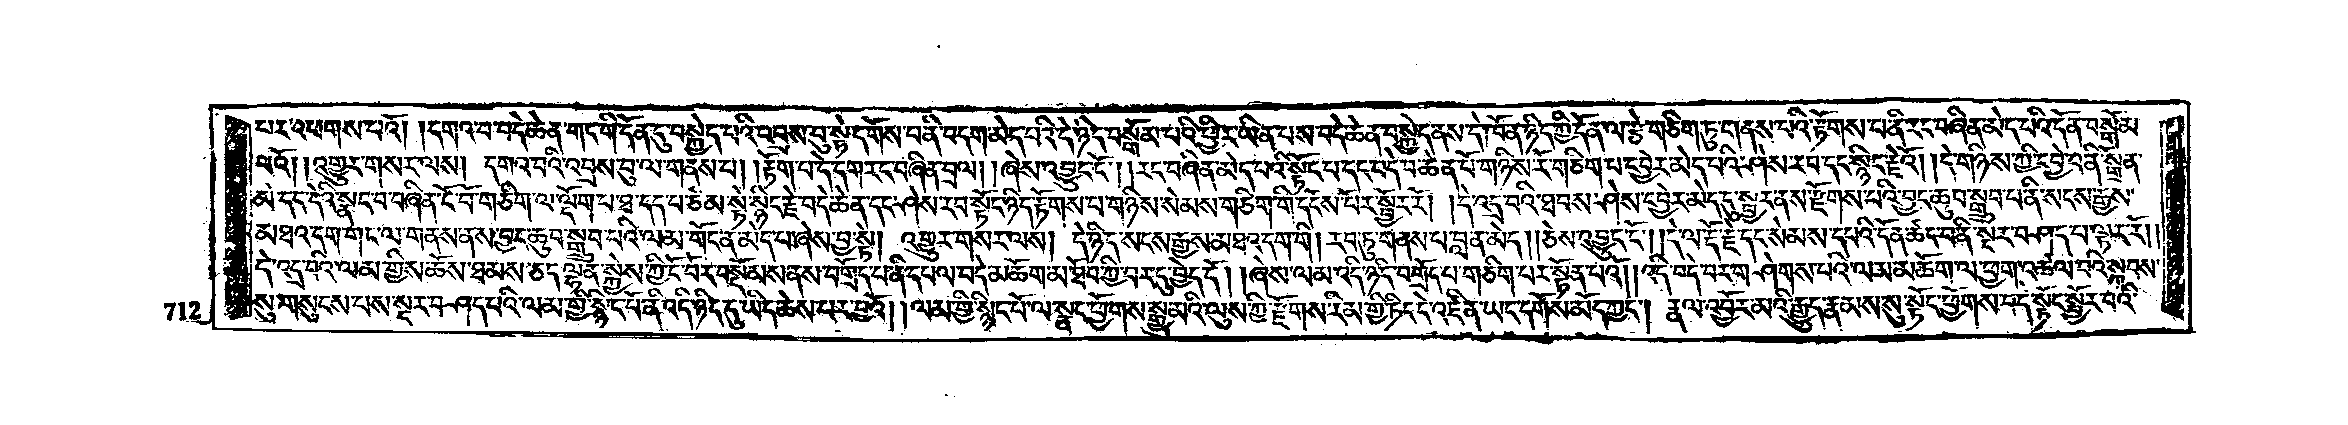པར་འཕགས་པའོ། །དགའ་བ་བདེ་ཆེན་གང་གི་དོན་དུ་བསྐྱེད་པའི་འབྲས་བུ་སྟེ་དགོས་པ་ནི་བདག་མེད་པའི་དེ་ཉིད་བསྒོམ་པའི་ཕྱིར་ཡིན་པས་བདེ་ཆེན་བསྐྱེད་ནས་དེ་ཁོ་ན་ཉིད་ཀྱི་དོན་ལ་རྩེ་གཅིག་ཏུ་གནས་པའི་རྟོགས་པ་ནི་རང་བཞིན་མེད་པའི་དོན་བསྒོམ་
པའོ། །འགྱུར་གསར་ལས། དགའ་བའི་འབྲས་བུ་ལ་གནས་པ། །རྟོག་པ་དེ་དག་རང་བཞིན་བྲལ། །ཞེས་འབྱུང་ངོ། །རང་བཞིན་མེད་པའི་སྟོང་པ་དང་བདེ་བ་ཆེན་པོ་གཉིས་རོ་གཅིག་པ་དབྱེར་མེད་པའི་ཤེས་རབ་དང་སྙིང་རྗེའོ། །དེ་གཉིས་ཀྱི་དབྱེ་བ་ནི་སྒྲོན་
མེ་དང་དེའི་སྣང་བ་བཞིན་ངོ་བོ་གཅིག་ལ་ལྡོག་པ་ཐ་དད་པ་ཙམ་སྟེ་སྙིང་རྗེ་བདེ་ཆེན་དང་ཤེས་རབ་སྟོང་ཉིད་རྟོགས་པ་གཉིས་སེམས་གཅིག་གི་དངོས་པོར་སྦྱོར་རོ། །དེ་འདྲ་བའི་ཐབས་ཤེས་དབྱེར་མེད་དུ་སྦྱར་ནས་རྫོགས་པའི་བྱང་ཆུབ་སྒྲུབ་པ་ནི་སངས་རྒྱས་
མཐའ་དག་གང་ལ་གནས་ནས་བྱང་ཆུབ་སྒྲུབ་པའི་ལམ་གོང་ན་མེད་པ་ཞེས་བྱ་སྟེ། འགྱུར་གསར་ལས། དེ་ཉིད་སངས་རྒྱས་མཐའ་དག་གི །རབ་ཏུ་གནས་པ་བླ་ན་མེད། །ཅེས་འབྱུང་ངོ། །དེ་ལ་རྡོ་རྗེ་དང་སེམས་དཔའི་དོན་ཚད་བ་ནི་སྔར་བཤད་པ་ལྟར་རོ། །
དེ་འདྲ་བའི་ལམ་གྱིས་ཆོས་ཐམས་ཅད་ལྷན་སྐྱེས་ཀྱི་ངོ་བོར་བསྡོམས་ནས་བགྲོད་པ་ནི་དཔལ་བདེ་མཆོག་མ་ཐོབ་ཀྱི་བར་དུ་བྱེད་དོ། །ཞེས་ལམ་འདི་ཉིད་བགྲོད་པ་གཅིག་པར་སྟོན་པའོ། །འདི་བདེ་བར་གཤེགས་པའི་ལམ་མཆོག་ལ་ཕྱག་འཚལ་བའི་སྐབས་
སུ་གསུངས་པས་སྔར་བཤད་པའི་ལམ་གྱི་སྙིང་པོ་ནི་འདི་ཉིད་དུ་ཡིད་ཅེས་པར་བྱའོ། །ལམ་གྱི་སྙིང་པོ་ལ་སྣང་ཕྱོགས་སྒྱུ་མའི་ལུས་ཀྱི་རྫོགས་རིམ་གྱི་ཏིང་ངེ་འཛིན་ཡང་དགོས་མོད་ཀྱང་། རྣལ་འབྱོར་མའི་རྒྱུད་རྣམས་སུ་སྟོང་ཕྱོགས་བདེ་སྟོང་སྦྱོར་བའི་